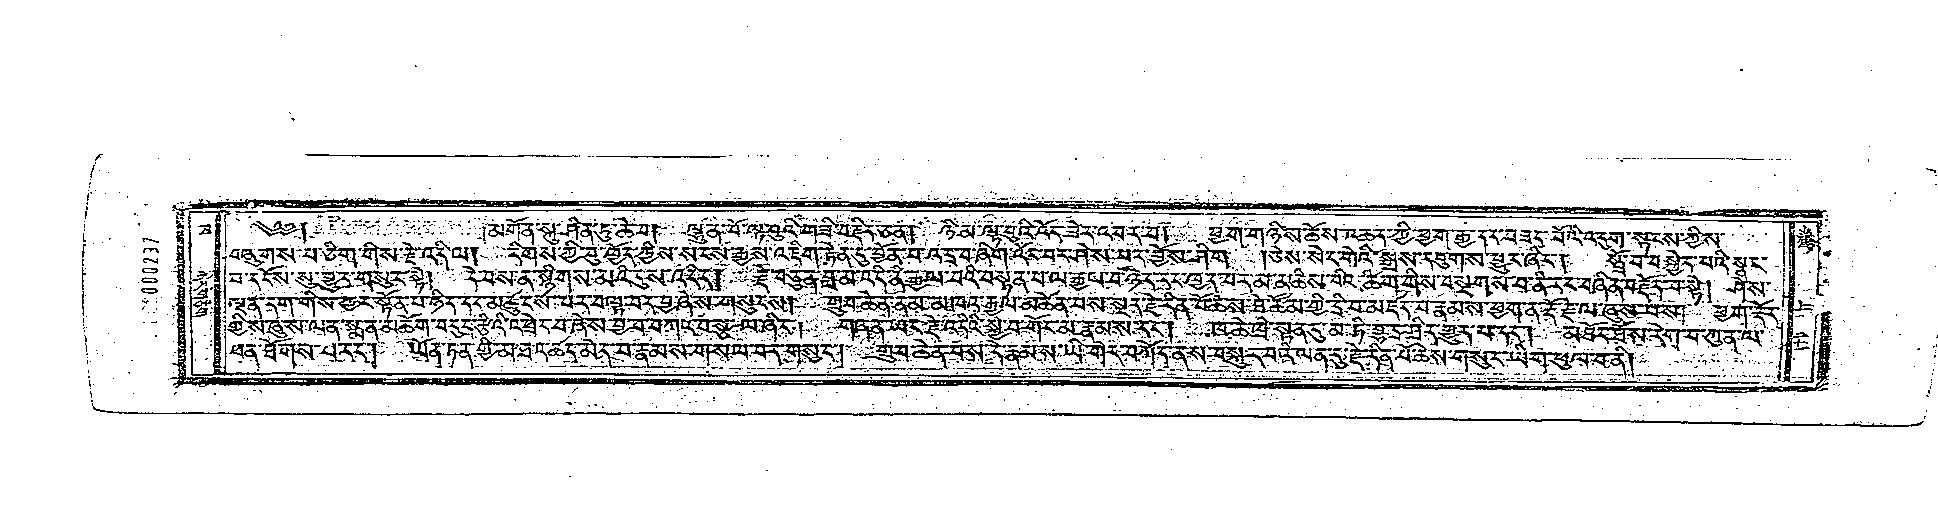༄༅། །མགོན་སྐུ་ཤིན་ཏུ་ཆེ་བ། ལྷུན་པོ་ལྟ་བུའི་གཟི་བརྗིད་ཅན། ཉི་མ་ལྟ་བུའི་འོད་ཟེར་འབར་བ། ཕྱག་གཉིས་ཆོས་འཆད་ཀྱི་ཕྱག་རྒྱ་དང་བཟང་པོའི་འདུག་སྟངས་ཀྱིས་
བཞུགས་པ་ཅིག་གིས་རྗེ་འདི་ལ། རིགས་ཀྱི་བུ་ཁྱོད་ཀྱིས་སངས་རྒྱས་འཇིག་རྟེན་དུ་བྱོན་པ་འདྲ་བ་ཞིག་འོང་བར་ཤེས་པར་བྱོས་ཤིག །ཅེས་སེང་གེའི་སྒྲས་དབུགས་བྱུང་ཞིང་། སྤྲོ་བ་བསྐྱེད་པའི་སྣང་
བ་དངོས་སུ་བྱུང་གསུང་སྟེ། དེ་བས་ན་སྙིགས་མའི་དུས་འདིར། རྗེ་བཙུན་བླ་མ་འདི་ནི་རྒྱལ་བའི་བསྟན་པ་ལ་རྒྱལ་བ་ཉིད་དང་ཁྱད་པར་མ་མཆིས་པའི་ཚིག་གིས་བསྔགས་བ་ནི་རང་བཞིན་བརྗོད་པ་སྟེ། ཤེས་
ལྡན་དག་གིས་ཀྱང་སྟོན་པ་ཉིད་དང་མཚུངས་པར་བལྟ་བར་བྱ་ཞེས་གསུངས། གྲུབ་ཆེན་ནམ་མཁའ་རྒྱལ་མཚེན་པས་སྔར་རྗེ་རིན་པོ་ཆེས་ཐེ་ཚོམ་གྱི་དྲི་བ་མཛད་པ་རྣམས་ཕྱག་ན་རྡོ་རྗེ་ལ་ཞུས་པས། ཕྱག་རྡོར་
གྱིས་ཞུས་ལན་སྨན་མཆོག་བདུད་རྩིའི་འཕྲེང་བ་ཞེས་བྱ་བ་བཀའ་བསྩལ་ཞིང་། གཞན་ཡང་རྗེ་འདིའི་སྐྱེ་བ་གོང་མ་རྣམས་དང་། ཁ་ཆེ་ཁྲི་སྟན་དུ་མ་ཏི་བྷ་དྲ་ཤྲིར་གྱུར་པ་དང་། མཐོང་ཐོས་རེག་བ་ཀུན་ལ་
ཕན་ཐོགས་པ་དང་། ཡོན་ཏན་གྱི་མཐའ་ཚད་མེད་པ་རྣམས་གསལ་བར་གསུང་། གྲུབ་ཆེན་བས་དེ་རྣམས་ཡི་གེར་བཀོད་ནས་བསྐུར་བའི་ལན་དུ་རྗེ་རིན་པོ་ཆེས་གསུང་ཡིག་ཕུལ་བ་ནི།